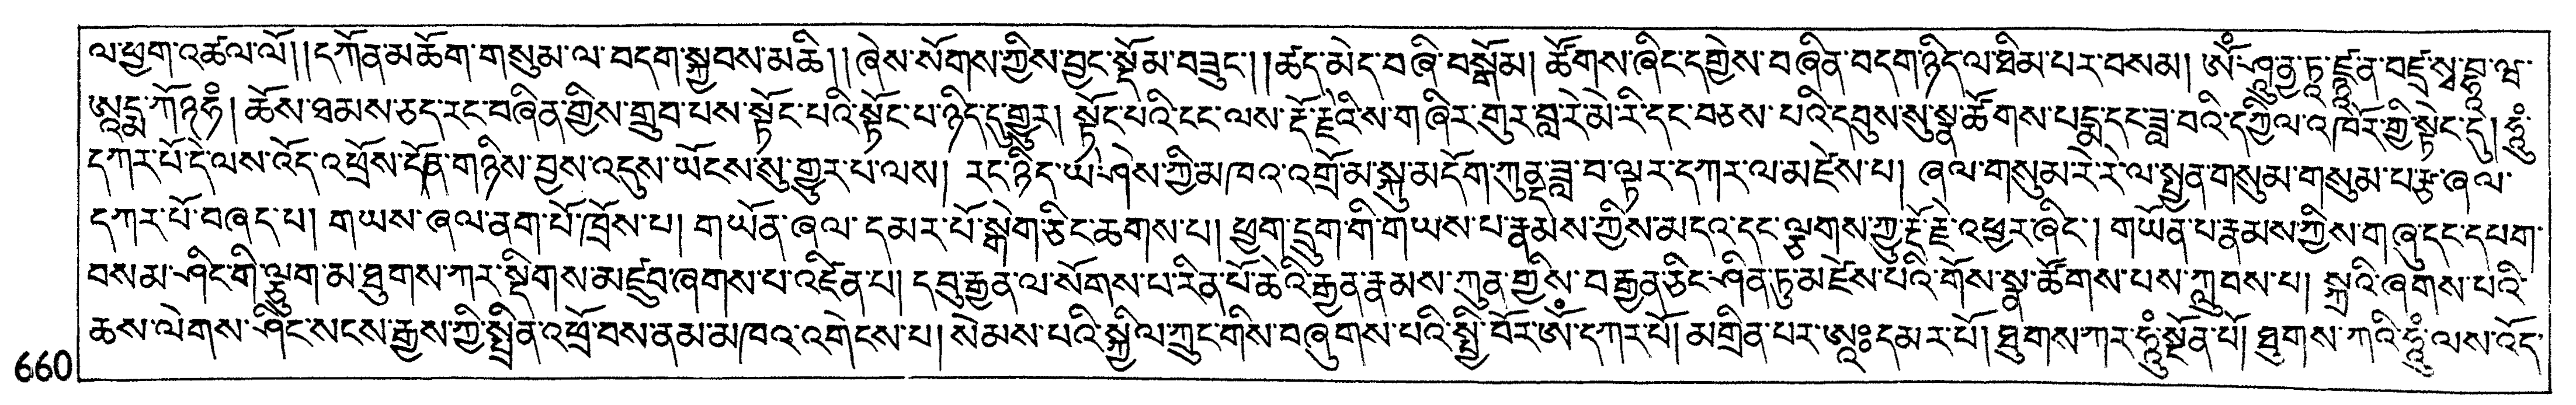ལ་ཕྱག་འཚལ་ལོ། །དཀོན་མཆོག་གསུམ་ལ་བདག་སྐྱབས་མཆི། །ཞེས་སོགས་ཀྱིས་བྱང་སྡོམ་བཟུང་། །ཚད་མེད་བཞི་བསྒོམ། ཚོགས་ཞིང་དགྱེས་བཞིན་བདག་ཉིད་ལ་ཐིམ་པར་བསམ། ཨོཾ་ཤཱུ་ནྱ་ཏཱ་ཛྙཱ་ན་བཛྲ་སྭ་བྷཱ་ཝ་
ཨཱདམ་ཀོཉྷཾ། ཆོས་ཐམས་ཅད་རང་བཞིན་གྱིས་གྲུབ་པས་སྟོང་པའི་སྟོང་པ་ཉིད་དུ་གྱུར། སྟོང་པའི་ངང་ལས་རྡོ་རྗེའི་ས་གཞིར་གུར་བླ་རེ་མེ་རི་དང་བཅས་པའི་དབུས་སུ་སྣ་ཚོགས་པདམ་དང་ཟླ་བའི་དཀྱིལ་འཁོར་གྱི་སྟེང་དུ། ཧཱུཾ་
དཀར་པོ་དེ་ལས་འོད་འཕྲོས་དོན་གཉིས་བྱས་འདུས་ཡོངས་སུ་གྱུར་པ་ལས། རང་ཉིད་ཡེ་ཤེས་ཀྱི་མཁའ་འགྲོ་མ་སྐུ་མདོག་ཀུནྡ་ཟླ་བ་ལྟར་དཀར་ལ་མཛེས་པ། ཞལ་གསུམ་རེ་རེ་ལ་སྤྱན་གསུམ་གསུམ་པ་རྩ་ཞལ་
དཀར་པོ་བཞད་པ། གཡས་ཞལ་ནག་པོ་ཁྲོས་པ། གཡོན་ཞལ་དམར་པོ་སྒེག་ཅིང་ཆགས་པ། ཕྱག་དྲུག་གི་གཡས་པ་རྣམས་ཀྱིས་མདའ་དང་ལྕགས་ཀྱུ་རྡོ་རྗེ་འཕྱར་ཞིང་། གཡོན་པ་རྣམས་ཀྱིས་གཞུ་དང་དཔག་
བསམ་ཤིང་གི་ལྕུག་མ་ཐུགས་ཀར་སྡིགས་མཛུབ་ཞགས་པ་འཛིན་པ། དབུ་རྒྱན་ལ་སོགས་པ་རིན་པོ་ཆེའི་རྒྱན་རྣམས་ཀུན་གྱིས་བརྒྱན་ཅིང་ཤིན་ཏུ་མཛེས་པའི་གོས་སྣ་ཚོགས་པས་ཀླུབས་པ། སྐྲའི་ཞགས་པའི་
ཆས་ལེགས་ཤིང་སངས་རྒྱས་ཀྱི་སྤྲིན་འཕྲོ་བས་ནམ་མཁའ་འགེངས་པ། སེམས་པའི་སྐྱིལ་ཀྲུང་གིས་བཞུགས་པའི་སྤྱི་བོར་ཨོཾ་དཀར་པོ། མགྲིན་པར་ཨཱཿ དམར་པོ། ཐུགས་ཀར་ཧཱུཾ་སྔོན་པོ། ཐུགས་ཀའི་ཧཱུཾ་ལས་འོད་